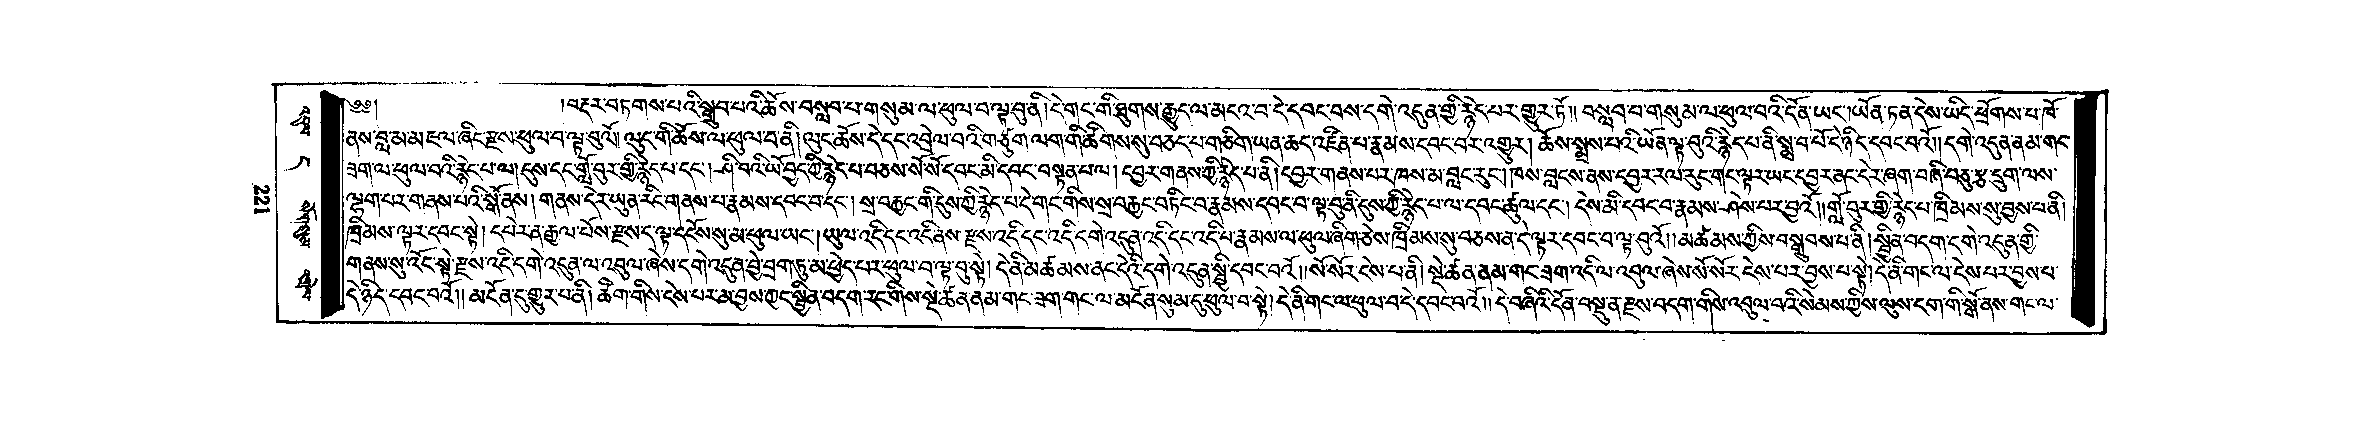༄༅། །བརྡར་བཏགས་པའི་སྒྲུབ་པའི་ཆོས་བསླབ་པ་གསུམ་ལ་ཕུལ་བ་ལྟ་བུ་ནི། དེ་གང་གི་ཐུགས་རྒྱུད་ལ་མངའ་བ་དེ་དབང་བས་དགེ་འདུན་གྱི་རྙེད་པར་གྱུར་ཏོ། །བསླབ་པ་གསུམ་ལ་ཕུལ་བའི་དོན་ཡང་། ཡོན་ཏན་དེས་ཡིད་ཕྲོགས་པ་ཁོ་
ནས་བླ་མ་མཇལ་ཞིང་རྫས་ཕུལ་བ་ལྟ་བུའོ། །ལུང་གི་ཆོས་ལ་ཕུལ་བ་ནི། ལུང་ཆོས་དེ་དང་འབྲེལ་བའི་གཙུག་ལག་གི་ཚིགས་སུ་བཅད་པ་གཅིག་ཡན་ཆད་འཛིན་པ་རྣམས་དབང་བར་འགྱུར། ཆོས་སྨྲས་པའི་ཡོན་ལྟ་བུའི་རྙེད་པ་ནི་སྨྲ་བ་པོ་དེ་ཉིད་དབང་བའོ། །དགེ་འདུན་ནམ་གང་
ཟག་ལ་ཕུལ་བའི་རྙེད་པ་ལ། དུས་དང་གློ་བུར་གྱི་རྙེད་པ་དང་། ཤི་བའི་ཡོ་བྱད་ཀྱི་རྙེད་པ་བཅས་སོ་སོ་དབང་མི་དབང་བསྟན་པ་ལ། དབྱར་གནས་ཀྱི་རྙེད་པ་ནི། དབྱར་གནས་པར་ཁས་མ་བླང་རུང་། ཁས་བླངས་ནས་དབྱར་རལ་རུང་གང་ལྟར་ཡང་དབྱར་ནང་དེར་ཞག་བཞི་བཅུ་རྩ་དྲུག་ལས་
ལྷག་པར་གནས་པའི་སྒོ་ནས། གནས་དེར་ཡུན་རིང་གནས་པ་རྣམས་དབང་བ་དང་། སྲ་བརྐྱང་གི་དུས་ཀྱི་རྙེད་པ་དེ་གང་གིས་སྲ་བརྐྱང་བཏིང་བ་རྣམས་དབང་བ་ལྟ་བུ་ནི་དུས་ཀྱི་རྙེད་པ་ལ་དབང་ཚུལ་དང་། དེས་མི་དབང་བ་རྣམས་ཤེས་པར་བྱའོ། །གློ་བུར་གྱི་རྙེད་པ་ཁྲིམས་སུ་བྱས་པ་ནི།
ཁྲིམས་ལྟར་དབང་སྟེ། དཔེར་ན་རྒྱལ་པོས་རྫས་ད་ལྟ་དངོས་སུ་མ་ཕུལ་ཡང་། ཡུལ་འདི་དང་འདི་ནས་རྫས་འདི་དང་འདི་དགེ་འདུན་འདི་དང་འདི་པ་རྣམས་ལ་ཕུལ་ཞིག་ཅེས་ཁྲིམས་སུ་བཅས་ན་དེ་ལྟར་དབང་བ་ལྟ་བུའོ། །མཚམས་ཀྱིས་བསྒྲུབས་པ་ནི། སྦྱིན་བདག་དགེ་འདུན་གྱི་
གནས་སུ་འོང་སྟེ་རྫས་འདི་དགེ་འདུན་ལ་འབུལ་ཞེས་དགེ་འདུན་བྱེ་བྲག་ཏུ་མ་ཕྱེད་པར་ཕུལ་བ་ལྟ་བུ་སྟེ། དེ་ནི་མཚམས་ནང་དེའི་དགེ་འདུན་སྦྱི་དབང་བའོ། །སོ་སོར་ངེས་པ་ནི། སྡེ་ཚན་ནམ་གང་ཟག་འདི་ལ་འབུལ་ཞེས་སོ་སོར་ངེས་པར་བྱས་པ་སྟེ། དེ་ནི་གང་ལ་དེས་པར་བྱས་པ་
དེ་ཉིད་དབང་བའོ། །མངོན་དུ་གྱུར་བ་ནི། ཚིག་གིས་ངེས་པར་མ་བྱས་ཀྱང་སྦྱིན་བདག་རང་གིས་སྡེ་ཚན་ནམ་གང་ཟག་གང་ལ་མངོན་སུམ་དུ་ཕུལ་བ་སྟེ། དེ་ནི་གང་ལ་ཕུལ་བ་དེ་དབང་བའོ། །དེ་བཞིའི་དོན་བསྡུ་ན་རྫས་བདག་གིས་འབུལ་བའི་སེམས་ཀྱིས་ལུས་ངག་གི་སྒོ་ནས་གང་ལ་